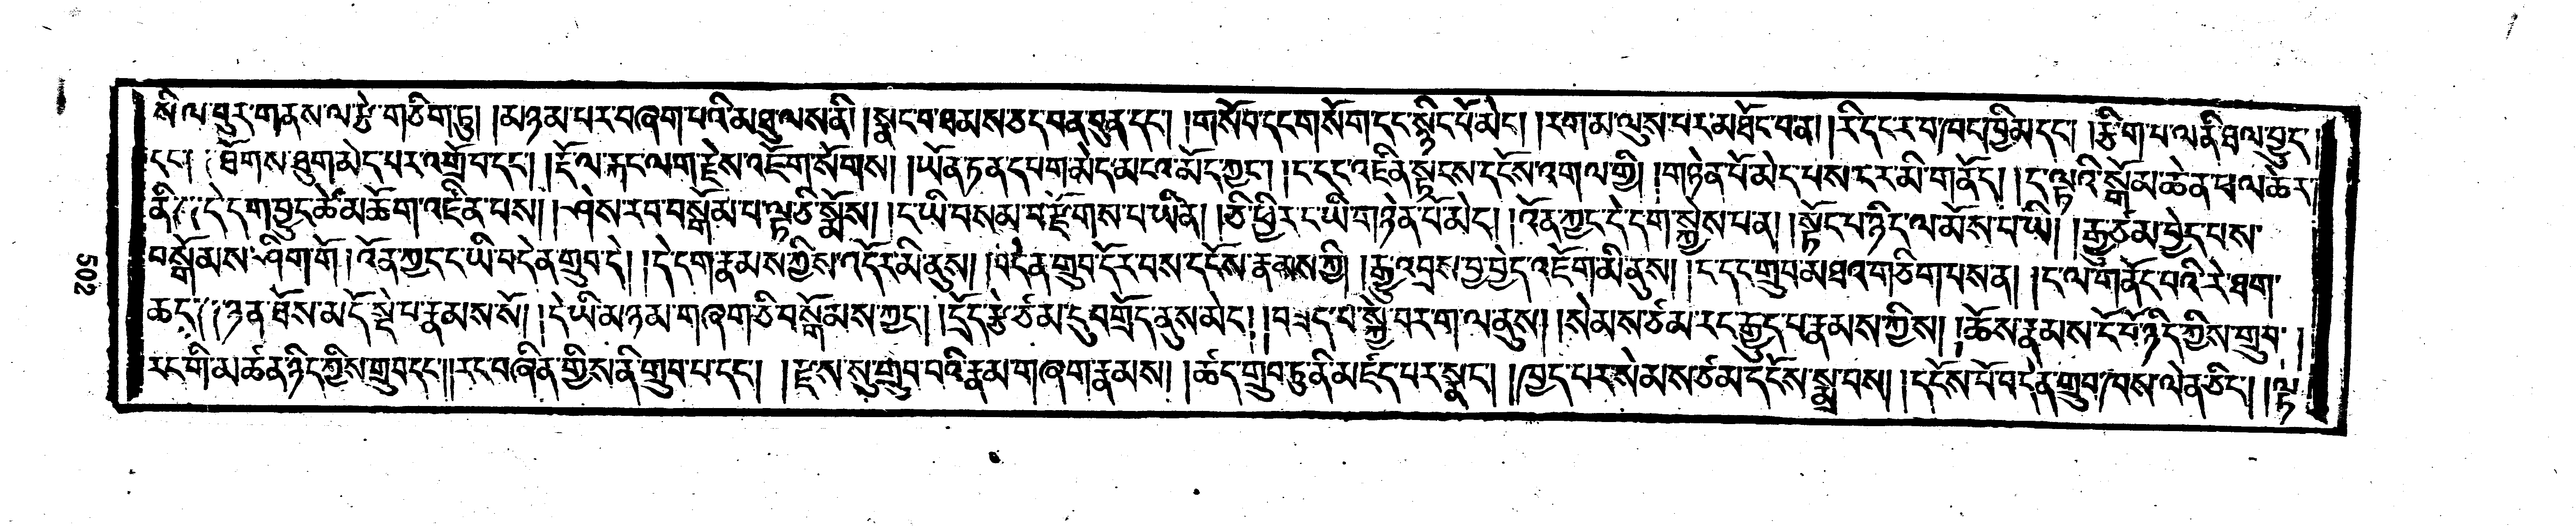སིལ་བུར་གནས་ལ་རྩེ་གཅིག་ཏུ། །མཉམ་པར་བཞག་པའི་མཐུ་ལས་ནི། །སྣང་བ་ཐམས་ཅད་བན་བུན་དང་། །གསོབ་དང་གསོག་དང་སྙིང་པོ་མེད། །རག་མ་ལུས་པར་མཐོང་བ་ན། །རི་དང་རབ་ཁང་ཁྱིམ་དང་། །རྩིག་པ་ལ་ནི་ཐལ་བྱུང་
དང༑ ༑ཐོགས་ཐུག་མེད་པར་འགྲོ་བ་དང་། །རྡོ་ལ་རྐང་ལག་རྗེས་འཇོག་སོགས། །ཡོན་ཏན་དཔག་མེད་མངའ་མོད་ཀྱང་། །ང་དང་འཛིན་སྟངས་དངོས་འགལ་གྱི། །གཉེན་པོ་མེད་པས་ངར་མི་གནོད། །ད་ལྟའི་སྒོམ་ཆེན་ཕལ་ཆེར་
ནི༑ ༑དེ་དག་བྱུང་ཚེ་མཆོག་འཛིན་པས། །ཤེས་རབ་བསྒོམ་པ་ལྟ་ཅི་སྨོས། །ང་ཡི་བསམ་པ་རྫོགས་པ་ཡིན། །ཅི་ཕྱིར་ང་ཡི་གཉེན་པོ་མེད། །འོན་ཀྱང་དེ་དག་སྐྱེས་པ་ན། །སྟོང་པ་ཉིད་ལ་མོས་པ་ཡི། །རྒྱུ་ཙམ་བྱེད་པས་
བསྒོམས་ཤིག་གོ །འོན་ཀྱང་ང་ཡི་བདེན་གྲུབ་དེ། །དེ་དག་རྣམས་ཀྱིས་འདོར་མི་ནུས། །བདེན་གྲུབ་དོར་བས་དངོས་རྣམས་ཀྱི། །རྒྱུ་འབྲས་བྱ་བྱེད་འཇོག་མི་ནུས། །ང་དང་གྲུབ་མཐའ་གཅིག་པས་ན། །ང་ལ་གནོད་པའི་རེ་ཐག་
ཆད༑ ༑ཉན་ཐོས་མདོ་སྡེ་པ་རྣམས་སོ། །དེ་ཡི་མཉམ་གཞག་ཅི་བསྒོམས་ཀྱང་། །དྲོད་རྩེ་ཙམ་དུ་བགྲོད་ནུས་མེད། །བཟོད་པ་སྐྱེ་བར་ག་ལ་ནུས། །སེམས་ཙམ་རང་རྒྱུད་པ་རྣམས་ཀྱིས། །ཆོས་རྣམས་ངོ་བོ་ཉིད་ཀྱིས་གྲུབ། །
རང་གི་མཚན་ཉིད་ཀྱིས་གྲུབ་དང་། །རང་བཞིན་གྱིས་ནི་གྲུབ་པ་དང་། །རྫས་སུ་གྲུབ་པའི་རྣམ་གཞག་རྣམས། །ཚད་གྲུབ་ཏུ་ནི་མཛད་པར་སྣང་། །ཁྱད་པར་སེམས་ཙམ་དངོས་སྨྲ་བས། །དངོས་པོ་བདེན་གྲུབ་ཁས་ལེན་ཅིང་། །ལྟ་